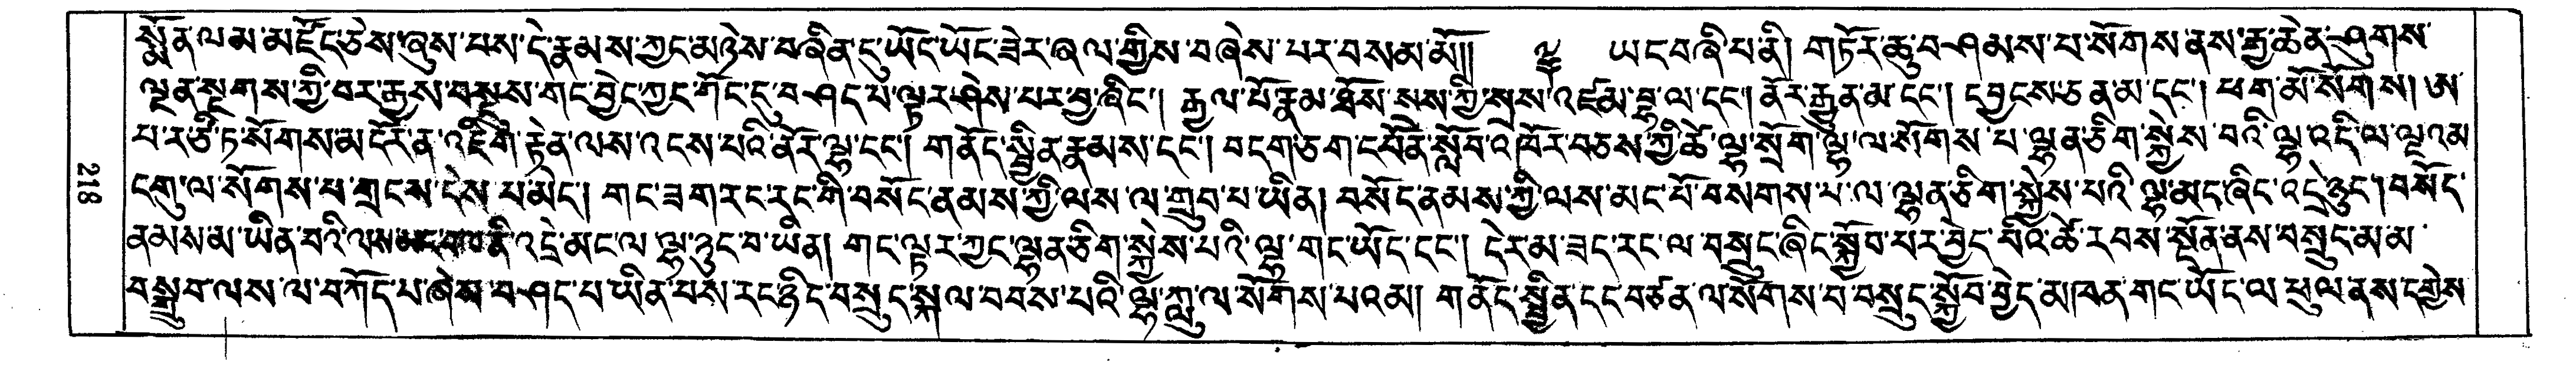སྨོན་ལམ་མཛོད་ཅེས་ཞུས་པས་དེ་རྣམས་ཀྱང་མཉེས་བཞིན་དུ་ཡོང་ཡོང་ཟེར་ཞལ་གྱིས་བཞེས་པར་བསམ་མོ།། ༈ ཡང་བཞི་པ་ནི། གཏོར་ཆུ་བཤམས་པ་སོགས་ནས་རྒྱ་ཆེན་ཤུགས་
ལྡན་སྔགས་ཀྱི་བར་རྒྱས་བསྡུས་གང་བྱེད་ཀྱང་གོང་དུ་བཤད་པ་ལྟར་ཤེས་པར་བྱ་ཞིང་། རྒྱལ་པོ་རྣམ་ཐོས་སྲས་ཀྱི་སྲས་འཛམ་བྷ་ལ་དང་། ནོར་རྒྱུན་མ་དང་། དབྱངས་ཅན་མ་དང་། ཕག་མོ་སོགས། ཨ་
བར་ཙི་ཏ་སོགས་མངོར་ན་འཇིག་རྟེན་ལས་འདས་པའི་ནོར་ལྷ་དང་། གནོད་སྦྱིན་རྣམས་དང་། བདག་ཅག་དཔོན་སློབ་འཁོར་བཅས་ཀྱི་ཚེ་ལྷ་སྲོག་ལྷ་ལ་སོགས་པ་ལྷན་ཅིག་སྐྱེས་པའི་ལྷ་འདི་ལ་ལྔའམ་
དགུ་ལ་སོགས་པ་གྲངས་ངེས་པ་མེད། གང་ཟག་རང་རང་གི་བསོད་ནམས་ཀྱི་ལས་ལ་གྲུབ་བ་ཡིན། བསོད་ནམས་ཀྱི་ལས་མང་པོ་བསགས་པ་ལ་ལྷན་ཅིག་སྐྱེས་པའི་ལྷ་མང་ཞིང་འདྲེ་ཉུང་། བསོད་
ནམས་མ་ཡིན་པའི་ལས་མང་བ་ལ་ནི་འདྲེ་མང་ལ་ལྷ་ཉུང་པ་ཡིན། གང་ལྟར་ཀྱང་ལྷན་ཅིག་སྐྱེས་པའི་ལྷ་གང་ཡོད་དང་། དེར་མ་ཟད་རང་ལ་བསྲུང་ཞིང་སྐྱོབ་པར་བྱེད་པའི་ཚེ་རབས་སྔོན་ནས་བསྲུང་མ་མ་
བསྒྲུབ་ལས་ལ་བཀོད་པ་ཞེས་བཤད་པ་ཡིན་པས་རང་ཉིད་བསྲུད་སྐལ་བབས་པའི་ལྷ་ཀླུ་ལ་སོགས་པའམ། གནོད་སྦྱིན་དང་བཙན་ལ་སོགས་པ་བསྲུང་སྐྱོབ་བྱེད་མཁན་གང་ཡོད་ལ་ཕུལ་ནས་དགྱེས་